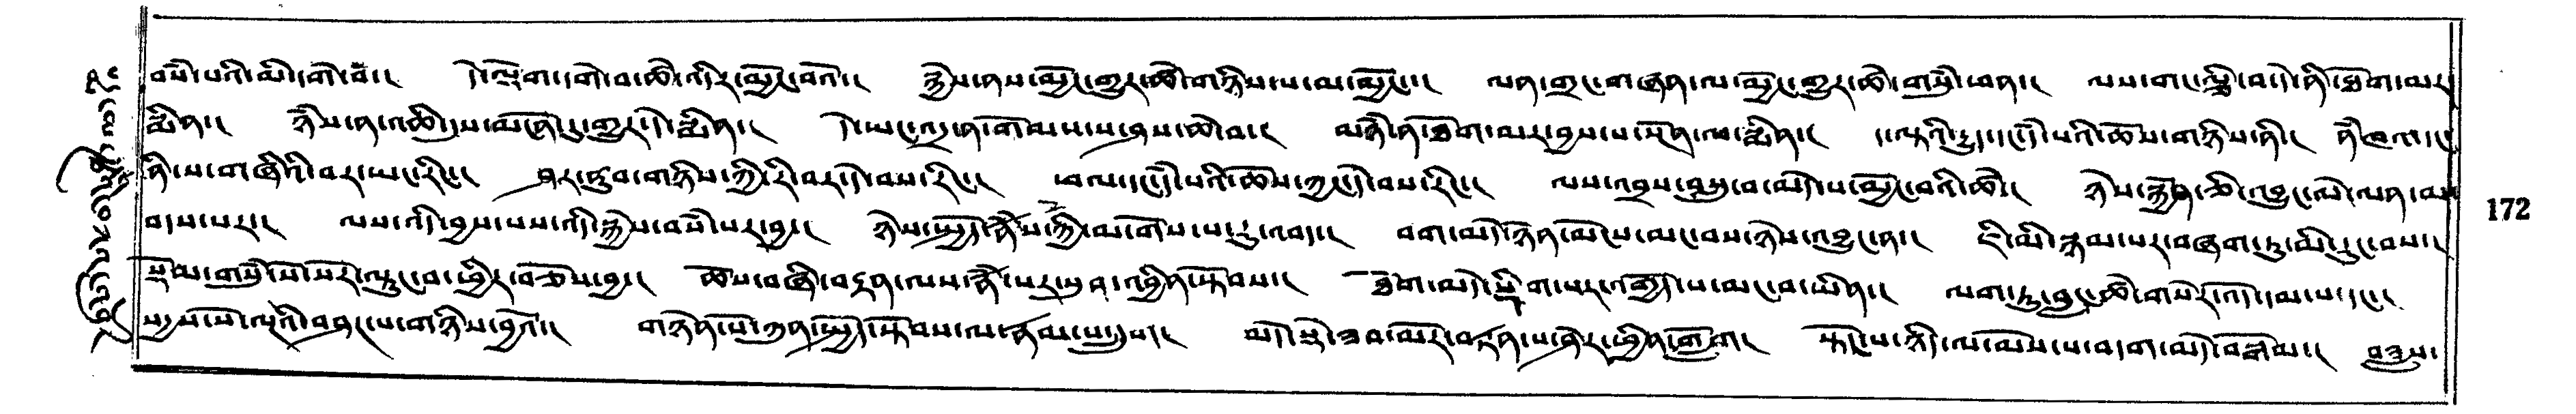བསམ་པའི་མི་དགེ་བ། །དེ་ལྡོག་དགེ་བ་ཚེ་འདིར་མྱོང་བའོ། །སྐྱེས་ནས་མྱོང་འགྱུར་ཚེ་གཉིས་པ་མ་མྱོང་། །ལན་གྲངས་གཞན་ལ་མྱོང་འགྱུར་ཚེ་གསུམ་ཕན། །ལས་གང་ལྕི་བ་དེ་ནི་ཐོག་མར་
སྨིན། །ཉམས་ན་འཆི་དུས་མངོན་དུ་གྱུར་དེ་སྨིན། །དེ་ཡང་འདྲ་ན་གོམས་པ་ཤས་ཆེ་བ། །མཉམ་ན་ཐོག་མར་བྱས་པ་སྔོན་ལ་སྨིན། །ད་ལྟའི་རྒྱུད་དང་དམ་པའི་ཆོས་གཉིས་ནི། །ནམ་མཁའ་དང་
ནི་ས་གཞིའི་བར་ཡང་རིང་། །ཤར་ནུབ་གཉིས་ཀྱི་རི་བར་དེ་བས་རིང་། །ཕལ་དང་དམ་པའི་ཆོས་ཀྱང་དེ་བས་རིང་། །ལས་འབྲས་བསླུ་བ་མེད་པ་མྱོང་བའི་ཚེ། །ཉེས་སྐྱོན་ཅི་འབྱུང་ལེ་ལན་མ་
བདས་པར། །ལས་འདི་བྱས་པས་འདིས་སྐྱེས་བསམ་པར་བྱ། །ཉེས་སྤྱོད་རྣམས་ཀྱིས་མ་གོས་པ་རུ་འབད། །བག་མེད་ཉོན་མོངས་མང་བས་ཉེས་འབྱུང་ན། །ཇི་མི་སྙམ་པར་བཞག་ཏུ་མི་རུང་བས། །
སྡོམ་གསུམ་སོ་སོར་ལྟུང་བ་ཕྱིར་བཅོས་བྱ། །ཆོས་བཞི་བརྟན་ལས་རྣམ་པར་སུན་འབྱིན་སྟོབས། །ཐོག་མེད་སྡིག་པར་འགྱོད་པ་མང་བ་ཡིན། །ལག་ཏུ་བླང་ཚེ་གསེར་འོད་དམ་པ་དང་། །
སངས་རྒྱས་སོ་ལྔའི་བཤགས་པ་གཉིས་བྱའོ། །གཉེན་པོ་ཀུན་སྤྱོད་སྟོབས་ལ་རྣམ་པ་དྲུག། མདོ་སྡེ་ཟབ་མོར་བརྟན་པ་ཤེར་ཕྱིན་ཀློགས། སྟོང་པ་ཉིད་ལ་མོས་པ་བདག་མེད་བསྒོམ། །བཟླས་